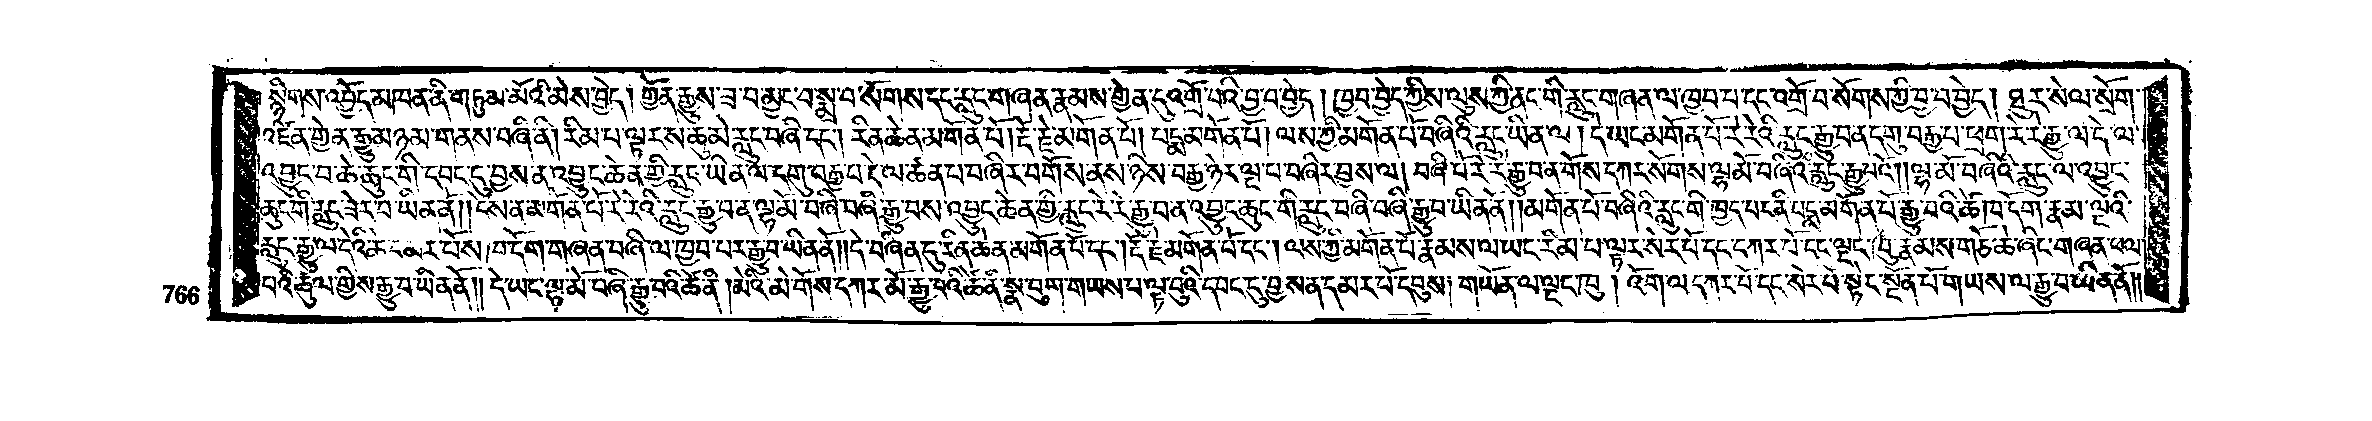སྙིགས་འབྱོད་མཁན་ནི་གཏུམ་མོའི་མེས་བྱེད། གྱོན་རྒྱུས་ཟ་བ་མྱང་བ་སྨྲ་བ་སོགས་དང་རླུང་གཞན་རྣམས་གྱེན་དུ་འགྲོ་བའི་བྱ་བ་བྱེད། ཁྱབ་བྱེད་ཀྱིས་ལུས་ཀྱི་ནང་གི་རླུང་གཞན་ལ་ཁྱབ་པ་དང་འགྲོ་བ་སོགས་ཀྱི་བྱ་བ་བྱེད། ཐུར་སེལ་སྲོག་
འཛིན་གྱེན་རྒྱུ་མཉམ་གནས་བཞི་ནི། རིམ་པ་ལྟར་ས་ཆུ་མེ་རླུང་བཞི་དང་། རིན་ཆེན་མགོན་པོ། རྡོ་རྗེ་མགོན་པོ། པདམ་མགོན་པོ། ལས་ཀྱི་མགོན་པོ་བཞིའི་རླུང་ཡིན་ལ། དེ་ཡང་མགོན་པོ་རེ་རེའི་རླུང་རྒྱུ་བ་ན་དགུ་བརྒྱ་པ་ཕྲག་རེ་རེ་རྒྱུ་ལ་དེ་ལ་
འབྱུང་བ་ཆེ་ཆུང་གི་དབང་དུ་བྱས་ན་འབྱུང་ཆེན་གྱི་རླུང་ཡིན་ལ་དགུ་བརྒྱ་པ་དེ་ལ་ཚན་པ་བཞིར་བགོས་ནས་ཉིས་བརྒྱ་ཉེར་ལྔ་པ་བཞིར་བྱས་ལ། བཞི་པོ་རེ་རེ་རྒྱུ་བ་ན་གོས་དཀར་སོགས་ལྷ་མོ་བཞིའི་རླུང་རྒྱུ་བའོ། །ལྷ་མོ་བཞིའི་རླུང་ལ་འབྱུང་ཆུང་གི་རླུང་ཟེར་བ་ཡིན་ནོ། །ངེས་ན་མགོན་པོ་རེ་རེའི་རླུང་རྒྱུ་བ་ན་ལྷ་མོ་བཞི་རྒྱུ་བས་འབྱུང་ཆེན་གྱི་རླུང་རེ་རེ་རྒྱུ་བ་ན་འབྱུང་ཆུང་གི་རླུང་བཞི་བཞི་རྒྱུ་བ་ཡིན་ནོ། །མགོན་པོ་བཞིའི་རླུང་གི་ཁྱད་པར་ནི་པདམ་མགོན་པོ་རྒྱུ་བའི་ཚེ་ཁ་དོག་རྣམ་ལྔའི་
རླུང་རྒྱུ་ལ་དེའི་ཆེ་དམར་པོས། ཁ་དོག་གཞན་བཞི་ལ་ཁྱབ་པར་རྒྱུ་བ་ཡིན་ནོ། །དེ་བཞིན་དུ་རིན་ཆེན་མགོན་པོ་དང་། རྡོ་རྗེ་མགོན་པོ་དང་། ལས་ཀྱི་མགོན་པོ་རྣམས་ལ་ཡང་རིམ་པ་ལྟར་སེར་པོ་དང་དཀར་པོ་དང་ལྡང་ཁུ་རྣམས་གཙོ་ཆེ་ཞིང་གཞན་ཕལ་
བའི་ཚུལ་གྱིས་རྒྱུ་བ་ཡིན་ནོ། །དེ་ཡང་ལྷ་མོ་བཞི་རྒྱུ་བའི་ཚེ་ནི། དེའི་མེ་གོས་དཀར་མོ་རྒྱུ་བའི་ཚེ་ནི་སྣ་བུག་གཡས་པ་ལྟ་བུའི་དབང་དུ་བྱས་ན་དམར་པོ་དབུས། གཡོན་ལ་ལྡང་ཁུ་། འོག་ལ་དཀར་པོ་དང་སེར་པོ་སྟེང་སྔོན་པོ་གཡས་ལ་རྒྱུ་བ་ཡིན་ནོ། །